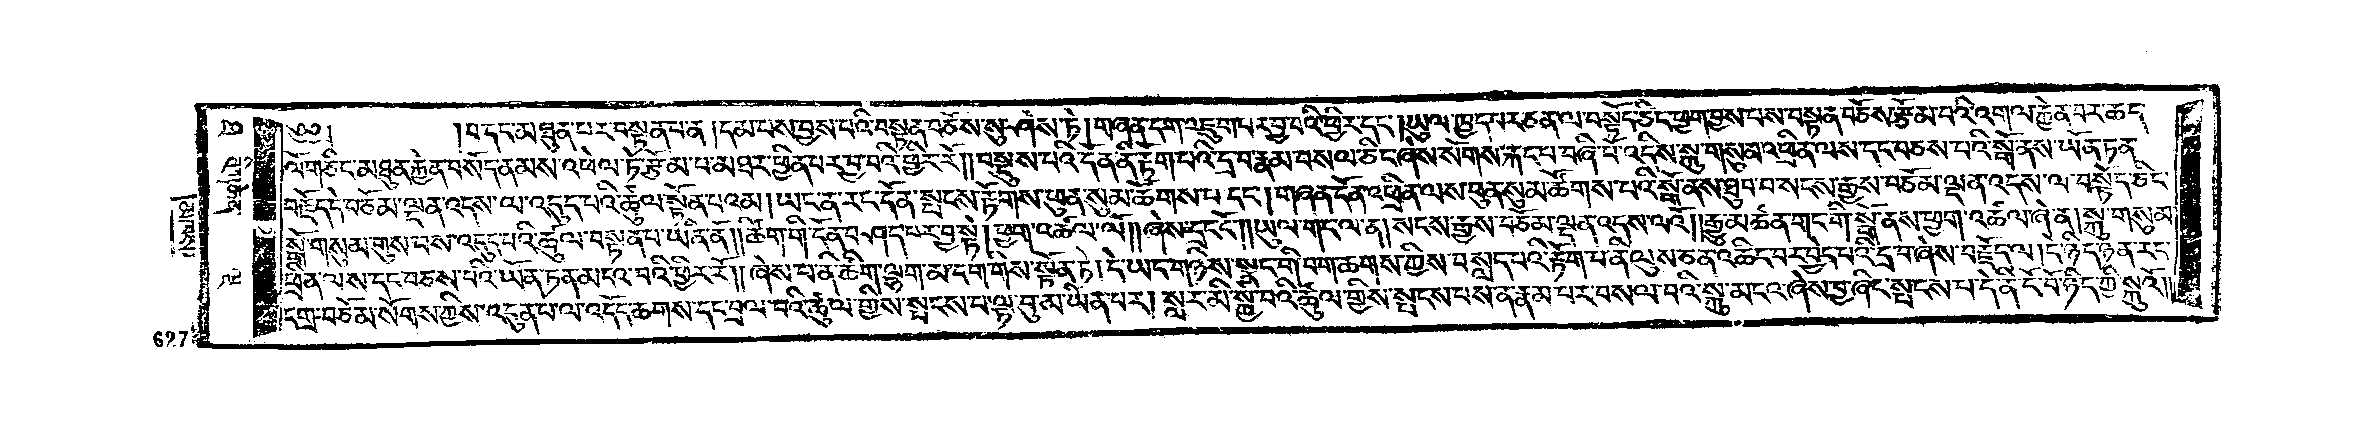༄༅། །པ་དང་མཐུན་པར་བསྟན་པ་ན། དམ་པས་བྱས་པའི་བསྟན་བཅོས་སུ་ཤེས་ཏེ། གཞན་དག་འཇུག་པར་བྱ་བའི་ཕྱིར་དང་། ཡུལ་ཁྱད་པར་ཅན་ལ་བསྟོད་ཅིང་ཕྱག་བྱས་པས་བསྟན་བཅོས་རྩོམ་པའི་འགལ་རྐྱེན་བར་ཆད་
ལོག་ཅིང་མཐུན་རྐྱེན་བསོད་ནམས་འཕེལ་ཏེ་རྩོམ་པ་མཐར་ཕྱིན་པར་བྱ་བའི་ཕྱིར་རོ། །བསྡུས་པའི་དོན་ནི་རྟོག་པའི་དྲ་བ་རྣམ་བསལ་ཅིང་ཞེས་སོགས་རྐང་པ་བཞི་པོ་འདིས་སྐུ་གསུམ་འཕྲིན་ལས་དང་བཅས་པའི་སྒོ་ནས་ཡོན་ཏན་
བརྗོད་དེ་བཅོམ་ལྡན་འདས་ལ་འདུད་པའི་ཚུལ་སྟོན་པའམ། ཡང་ན་རང་དོན་སྤངས་རྟོགས་ཕུན་སུམ་ཚོགས་པ་དང་། གཞན་དོན་འཕྲིན་ལས་ཕུན་སུམ་ཚོགས་པའི་སྒོ་ནས་ཐུབ་པ་སངས་རྒྱས་བཅོམ་ལྡན་འདས་ལ་བསྟོད་ཅིང་
སྒོ་གསུམ་གུས་པས་འདུད་པའི་ཚུལ་བསྟན་པ་ཡིན་ནོ། །ཚིག་གི་དོན་བཤད་པར་བྱ་སྟེ། ཕྱག་འཚལ་ལོ། །ཞེས་དྲང་ངོ། །ཡུལ་གང་ལ་ན། སངས་རྒྱས་བཅོམ་ལྡན་འདས་ལའོ། །རྒྱུ་མཚན་གང་གི་སྒོ་ནས་ཕྱག་འཚལ་ཞེ་ན། སྐུ་གསུམ་
ཕྲིན་ལས་དང་བཅས་པའི་ཡོན་ཏན་མངའ་བའི་ཕྱིར་རོ། །ཞེས་པ་ནི་ཚིག་ལྷག་མ་དག་གིས་སྟོན་ཏེ། དེ་ཡང་གཉིས་སྣང་གི་བག་ཆགས་ཀྱིས་བསླད་པའི་རྟོག་པ་ནི་ལུས་ཅན་འཆིང་བར་བྱེད་པའི་དྲ་བ་ཞེས་བརྗོད་ལ། དེ་ཉིད་ཉན་རང་
དགྲ་བཅོམ་སོགས་ཀྱིས་འདུན་པ་ལ་འདོད་ཆགས་དང་བྲལ་བའི་ཚུལ་གྱིས་སྤངས་པ་ལྟ་བུ་མ་ཡིན་པར། སླར་མི་སྐྱེ་བའི་ཚུལ་གྱིས་སྤངས་པས་ན་རྣམ་པར་བསལ་བའི་སྐུ་མངའ་ཞེས་བྱ་ཞིང་སྤངས་པ་དེ་ནི་ངོ་བོ་ཉིད་ཀྱི་སྐུའོ། །